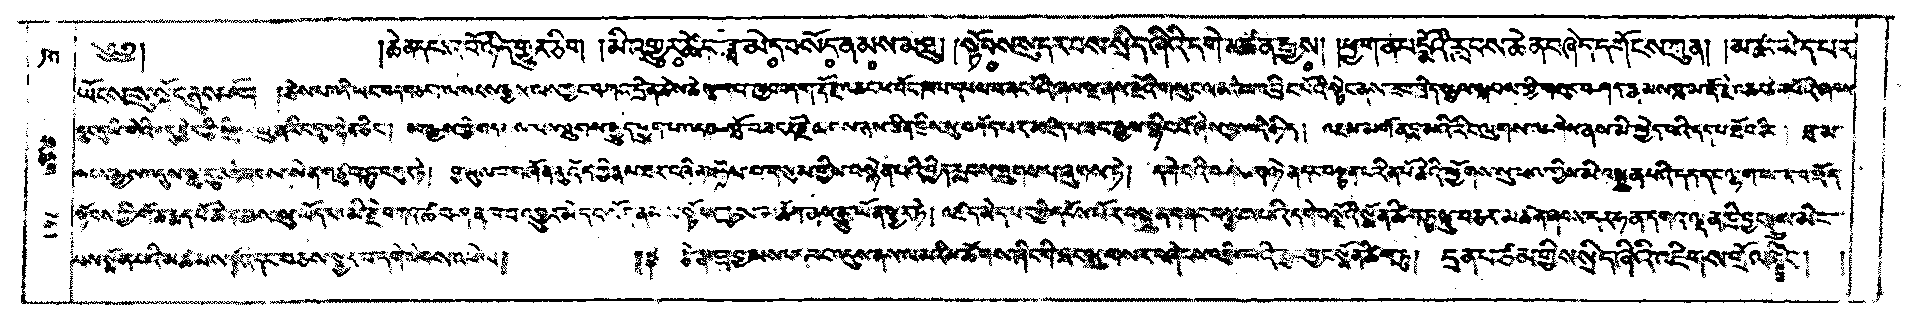༄༅། །ཆེན་དཔའ་བོ་ཉིད་གྱུར་ཅིག །མི་འགྱུར྾་ཚེ་དང་ཟླ་མེད྾་བསོད྾་ནམས྾་མཐུ། །སྟོབས྾་སུ་དར་བས་སྲིད་ཞིའི་དགེ་མཚན་རྒྱས྾། །ཕྱག་ན་པདམོའི་རླབས་ཆེན་བཞེད་དགོངས་ཀུན། །མ་ཚང་མེད་པར་
ཡོངས་སུ་སྐོང་ནུས་ཤོག །ཅེས་པ་འདི་ཡང་བདག་ཅག་ལ་སངས་རྒྱས་ལས་ཀྱང་བཀའ་དྲིན་ཆེས་ཆེར་ལྷག་པ་ཁྱབ་བདག་རྡོ་རྗེ་འཆང་ཕ་བོང་ཁ་པ་དཔལ་བཟང་པོའི་ཞལ་སྔ་ནས་རྗེའི་གསུང་ལམ་རིམ་འབྲིང་པོའི་སྟེང་ནས་ཟབ་ཁྲིད་སྩལ་སྐབས་ཀྱི་གསུང་བཤད་རྣམས་བླ་མ་རྡོ་རྗེ་འཆང་ཆེན་པོའི་ཞབས་
དྲུང་དུ་ཡི་གེའི་འདུ་བྱེད་ཀྱི་སྲི་ཞུས་ཡུན་རིང་དུ་བསྙེན་ཅིང་། ཟབ་རྒྱས་ཀྱི་གདམས་པས་ཐུགས་རྒྱུད་ཕྱུག་པ་འདན་མ་བློ་བཟང་རྡོ་རྗེ་ལགས་ནས་ཟིན་བྲིས་སུ་བཀོད་པར་མཛད་པ་ཟབ་རྒྱས་སྙིང་པོ་ཞེས་བྱ་བ་འདི་ཉིད། འཇམ་མགོན་བླ་མའི་རིང་ལུགས་ལ་ཤེས་ནས་མི་ཕྱེད་པའི་དད་པ་ཐོབ་ཅིང་། བླ་མ་
སངས་རྒྱས་འདུས་སྐུ་དུ་མའི་ཞབས་སེན་གཙུག་ཏུ་བཀུར་ཏེ། བྱ་ཡུལ་བ་གཞོན་ནུ་འོད་ཀྱི་རྣམ་ཐར་བཞིན་མཉེས་པ་གསུམ་གྱིས་བསྙེན་པའི་བྱིན་རླབས་ཐུགས་ལ་ཞུགས་ཏེ། དགེ་བའི་བཤེས་གཉེན་དང་བསྟན་པ་རིན་པོ་ཆེའི་ཕྱོགས་སུ་ཕལ་གྱིས་མི་བསྐྲུན་པའི་དད་དང་ལྷག་བསམ་བཟོད་
སྟོབས་ཀྱི་གོ་ཆ་རྨད་པོ་ཆེ་རང་ཆས་སུ་ཡོད་པ་མི་རྗེ་བཀའ་ཚབ་ཤན་ཁ་བ་འགྱུར་མེད་བསོད་ནམས་སྟོབས་རྒྱས་མཆོག་ནས་རྒྱུ་ཡོན་སྦྱར་ཏེ། འཛད་མེད་པར་གྱི་དངོས་པོར་བསྐྲུན་གནང་བསྐྱངས་པའི་དགེ་བསྔོའི་སྨོན་ཚིག་ཏུ་སྐུ་བཅར་མཚན་ཞབས་དར་ཉན་དགའ་ལྡན་ཁྲི་བྱང་སྤྲུལ་མིང་
པས་སྨོན་པའི་མཚམས་སྦྱོར་དང་བཅས་སྦྱར་བ་དགེ་ལེགས་འཕེལ།། །། ༈ རྩེ་རྣམ་གྲྭ་བྱམས་པ་དབང་འདུས་ནས་ལམ་རིམ་ཚོགས་ཞིང་གི་ཐང་སྐུ་གསར་བཞེངས་བགྱིས་པའི་རྒྱབ་བྱང་སྨོན་ཚིག་ཏུ། དྲན་པ་ཙམ་གྱིས་སྲིད་ཞིའི་འཇིགས་གྲོལ་ཞིང་། །